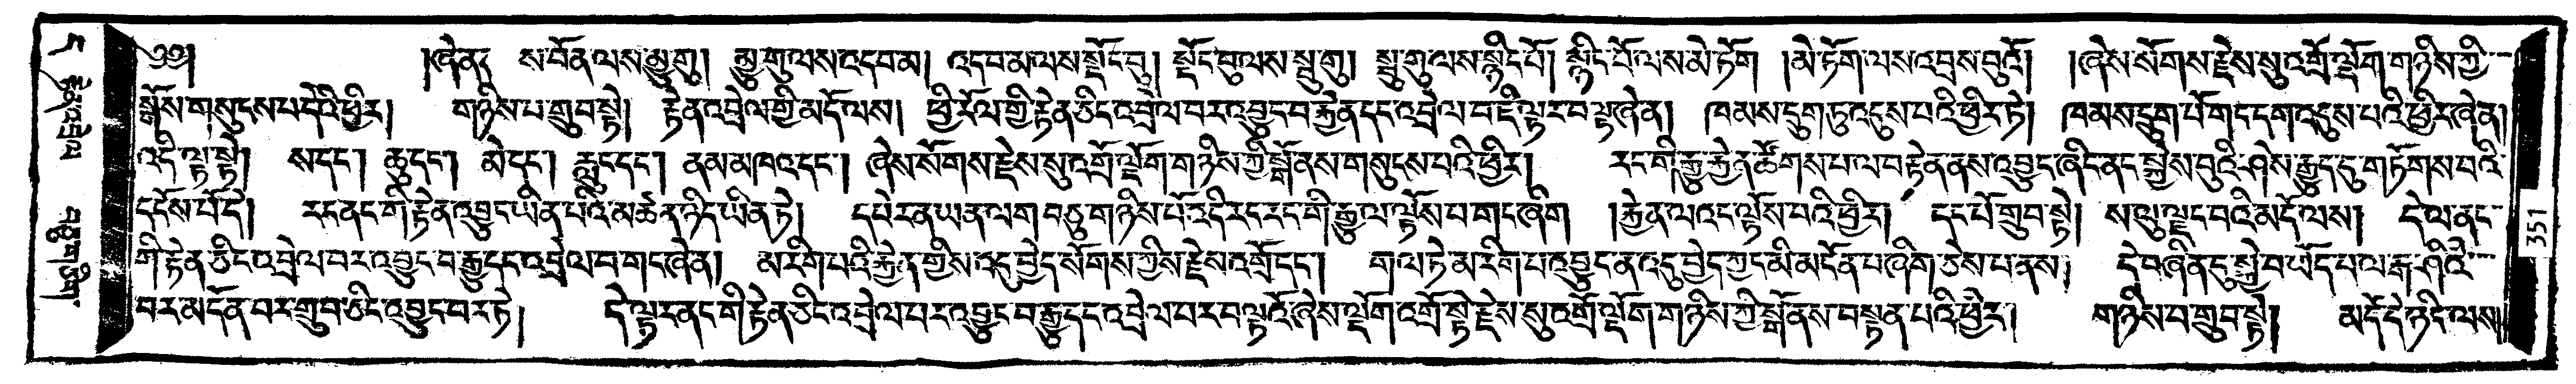༄༅། །ཞེ་ན༑ ས་བོན་ལས་མྱུ་གུ། མྱུ་གུ་ལས་འདབ་མ། འདབ་མ་ལས་སྡོང་བུ། སྡོང་བུ་ལས་སྦུ་གུ། སྦུ་གུ་ལས་སྙིང་པོ། སྙིང་པོ་ལས་མེ་ཏོག །མེ་ཏོག་ལས་འབྲས་བུའོ། །ཞེས་སོགས་རྗེས་སུ་འགྲོ་ལྡོག་གཉིས་ཀྱི་
སྒོས་གསུངས་པ་དེའི་ཕྱིར། གཉིས་པ་གྲུབ་སྟེ། རྟེན་འབྲེལ་གྱི་མདོ་ལས། ཕྱི་རོལ་གྱི་རྟེན་ཅིང་འབྲེལ་བར་འབྱུང་བ་རྐྱེན་དང་འབྲེལ་བ་ཇི་ལྟར་བལྟ་ཞེ་ན། ཁམས་དྲུག་ཏུ་འདུས་པའི་ཕྱིར་ཏེ། ཁམས་དྲུག་པོ་གང་དག་འདུས་པའི་ཕྱིར་ཞེ་ན།
འདི་ལྟ་སྟེ། ས་དང་། ཆུ་དང་། མེ་དང་། རླུང་དང་། ནམ་མཁའ་དང་། ཞེས་སོགས་རྗེས་སུ་འགྲོ་ལྡོག་གཉིས་ཀྱི་སྒོ་ནས་གསུངས་པའི་ཕྱིར། རང་གི་རྒྱུ་རྐྱེན་ཚོགས་པ་ལ་བརྟེན་ནས་འབྱུང་ཞིང་ནང་སྐྱེས་བུའི་ཤེས་རྒྱུད་དུ་གཏོགས་པའི་
དངོས་པོ་དེ། རང་ནང་གི་རྟེན་འབྱུང་ཡིན་པའི་མཚན་ཉིད་ཡིན་ཏེ། དཔེར་ན་ཡན་ལག་བཅུ་གཉིས་པོ་འདི་རང་རང་གི་རྒྱུ་ལ་ལྟོས་པ་གང་ཞིག །རྐྱེན་ལའང་ལྟོས་པའི་ཕྱིར། དང་པོ་གྲུབ་སྟེ། ས་ལུ་ལྗང་བའི་མདོ་ལས། དེ་ལ་ནང་
གི་རྟེན་ཅིང་འབྲེལ་བར་འབྱུང་བ་རྒྱུ་དང་འབྲེལ་བ་གང་ཞེ་ན། མ་རིག་པའི་རྐྱེན་གྱིས་འདུ་བྱེད་སོགས་ཀྱིས་རྗེས་འགྲོ་དང་། གལ་ཏེ་མ་རིག་པ་འབྱུང་ན་འདུ་བྱེད་ཀྱང་མི་མངོན་པ་ཞིག་ཅེས་པ་ནས། དེ་བཞིན་དུ་སྐྱེ་བ་ཡོད་པ་ལ་རྒ་ཤིའི་
བར་མངོན་པར་གྲུབ་ཅིང་འབྱུང་བར་ཏེ། དེ་ལྟར་ནང་གི་རྟེན་ཅིང་འབྲེལ་པར་འབྱུང་བ་རྒྱུ་དང་འབྲེལ་བར་བལྟའོ་ཞེས་ལྡོག་འགྲོ་སྟེ་རྗེས་སུ་འགྲོ་ལྡོག་གཉིས་ཀྱི་སྒོ་ནས་བསྟན་པའི་ཕྱིར། གཉིས་པ་གྲུབ་སྟེ། མདོ་དེ་ཉིད་ལས།